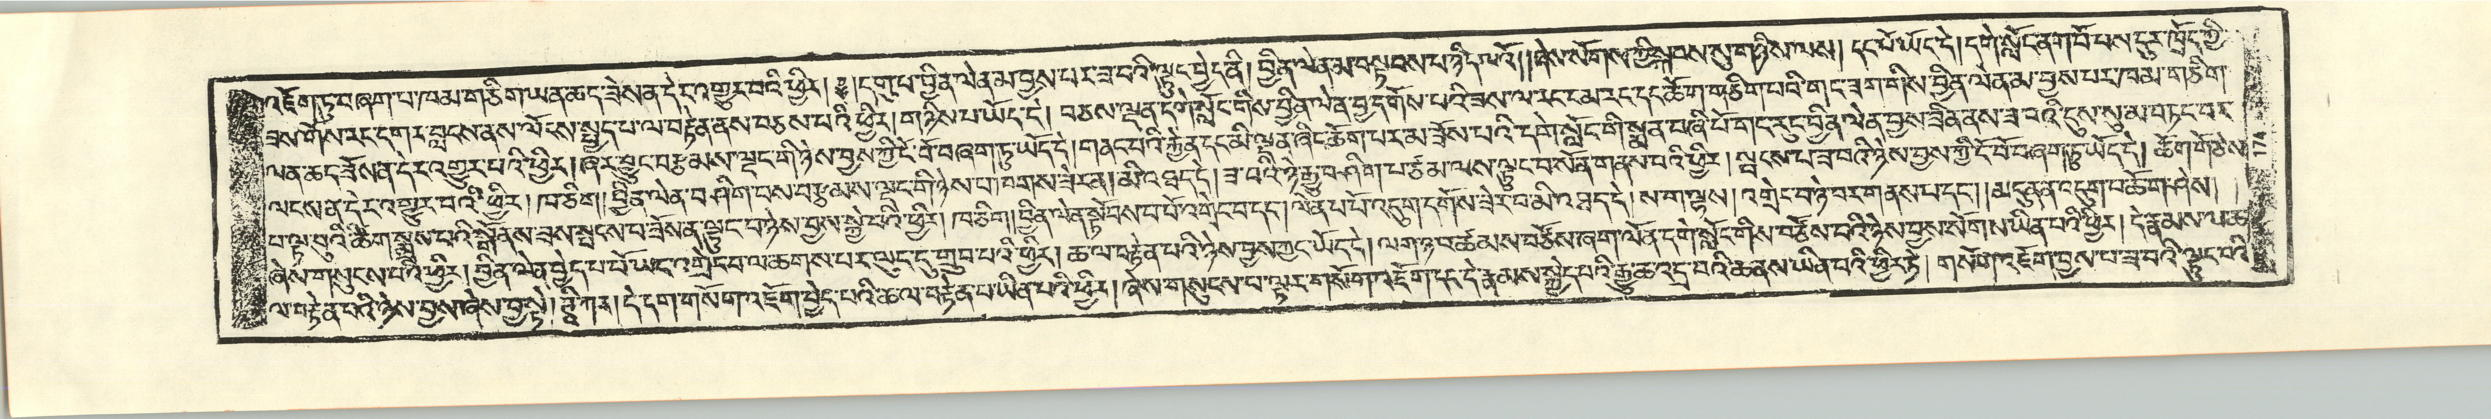འཇོག་ཏུ་བཞག་པ་ཁམ་གཅིག་ཡན་ཆད་ཟེས་ན་དེར་འགྱུར་བའི་ཕྱིར། ༈ །དགུ་པ་བྱིན་ལེན་མ་བྱས་པར་ཟ་བའི་ལྟུང་བྱེད་ནི། བྱིན་ལེན་མ་བསྟབས་པ་ཉིད་ལའོ། །ཞེས་སོགས་ཀྱི་སྐབས་སུ་གཉིས་ལས། དང་པོ་ཡོད་དེ། དགེ་སློང་ནག་པོ་པས་དུར་ཁྲོད་ཀྱི་
ཟས་གོས་རང་དགར་བླངས་ནས་ལོངས་སྤྱད་པ་ལ་བརྟེན་ནས་བཅས་པའི་ཕྱིར། གཉིས་པ་ཡོད་དེ། བཅས་ལྡན་དགེ་སློང་གིས་བྱིན་ལེན་བྱ་དགོས་པའི་ཟས་ལ་རང་ངམ་རང་དང་ཆོ་ག་གཅིག་པའི་གང་ཟག་གིས་བྱིན་ལེན་མ་བྱས་པར་ཁམ་གཅིག་
ལན་ཆད་ཟོས་ན་དེར་འགྱུར་པའི་ཕྱིར། ཞར་བྱུང་བརྩམས་ལྡང་གི་ཉེས་བྱས་ཀྱི་ངོ་བོ་བཞག་ཏུ་ཡོད་དེ། གནང་བའི་རྐྱེན་དང་མི་ལྡན་ཞིང་ཆོག་པར་མ་ཟོས་པའི་དགེ་སློང་གི་སྨན་བཞི་པོ་གང་རུང་བྱིན་ལེན་བྱས་ཟིན་ནས་ཟ་བའི་དུས་སུ་མ་བཏང་བར་
ལངས་ན་དེར་འགྱུར་བའི་ཕྱིར། ཁ་ཅིག །བྱིན་ལེན་བཤིག་པས་བརྩམས་ལྡང་གི་ཉེས་པ་ཁགས་ཟེར་ན། མི་འཐད་དེ། ཟ་བའི་ཉེ་རྒྱུ་བཤིག་པ་ཙམ་ལས་ལྟུང་བ་སོ་ན་གནས་པའི་ཕྱིར། སྤངས་པ་ཟ་བའི་ཉེས་བྱས་ཀྱི་ངོ་བོ་བཞག་ཏུ་ཡོད་དེ། ཆོག་གོ་ཅེས་
པ་ལྟ་བུའི་ཚིག་སྨྲས་པའི་སྒོ་ནས་ཟས་སྤངས་པ་ཟོས་ན་ལྟུང་བ་ཉེས་བྱས་སྐྱེ་པའི་ཕྱིར། ཁ་ཅིག །བྱིན་ལེན་སྟོབས་པ་པོ་འགྲེང་བ་དང་། ལེན་པ་པོ་འདུག་དགོས་ཟེར་བ་མི་འཐད་དེ། ས་ག་ལྷས། འགྲེང་བ་ཉེ་བར་གནས་པ་དང་། །མདུན་ན་འདུག་པ་ཆོ་ག་ཤེས། །
ཞེས་གསུངས་པའི་ཕྱིར། བྱིན་ལེན་བྱེད་པ་པོ་ཡང་འགྲེང་བ་ལ་ཆགས་པར་ལུང་དུ་གྲུབ་པའི་ཕྱིར། ཆ་ལ་བརྟེན་པའི་ཉེས་བྱས་ཀྱང་ཡོད་དེ། ལག་ཉ་བ་ཚམས་བཙོས་ཞག་ལོན་དགེ་སློང་གིས་བརྩོས་པའི་ཉེས་བྱས་སོགས་ཡིན་པའི་ཕྱིར། དེ་རྣམས་ལ་ཆ་
ལ་བརྟེན་པའི་ཉེས་བྱས་ཞེས་བྱ་སྟེ། ཊཱི་ཀར། དེ་དག་གསོག་འཇོག་བྱེད་པའི་ཆ་ལ་བརྟེན་པ་ཡིན་པའི་ཕྱིར། ཞེས་གསུངས་པ་ལྟར་གསོག་འཇོག་དང་དེ་རྣམས་སྐྱེད་པའི་རྒྱུ་ཆ་འདྲ་བའི་ཆ་ནས་ཡིན་པའི་ཕྱིར་ཏེ། གསོག་འཇོག་བྱས་པ་ཟ་བའི་ལྟུང་བའི་